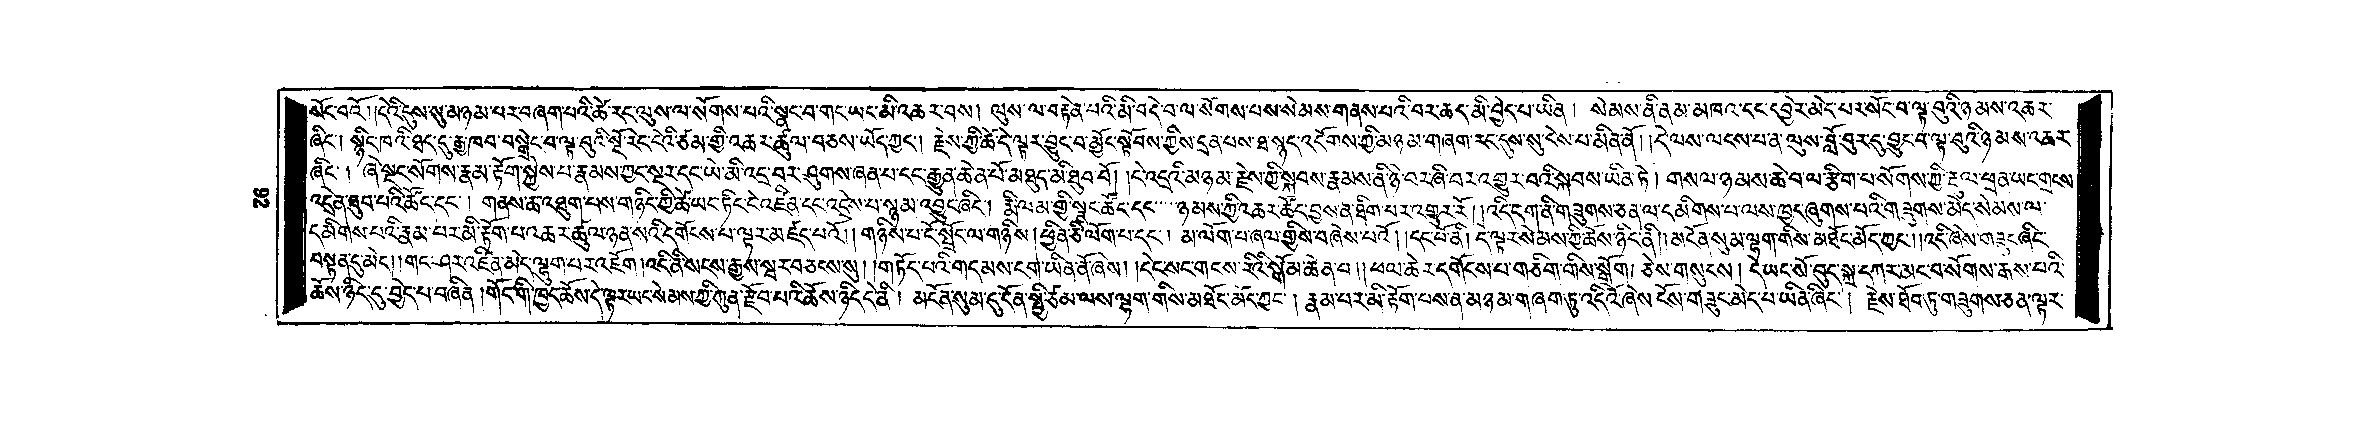སོང་བའོ། །དེའི་དུས་སུ་མཉམ་པར་བཞག་པའི་ཚེ་རང་ལུས་ལ་སོགས་པའི་སྣང་བ་གང་ཡང་མི་འཆར་བས། ལུས་ལ་བརྟེན་པའི་མི་བདེ་བ་ལ་སོགས་པས་སེམས་གནས་པའི་བར་ཆད་མི་བྱེད་པ་ཡིན། སེམས་ནི་ནམ་མཁའ་དང་དབྱེར་མེད་པར་སོང་བ་ལྟ་བུའི་ཉམས་འཆར་
ཞིང་། སྙིང་ཁའི་ཐད་དུ་རྒྱ་ཁབ་བསྒྲེང་བ་ལྟ་བུའི་སྡོ་རེང་དེའི་ཙམ་གྱི་འཆར་ཚུལ་བཅས་ཡོད་ཀྱང་། རྗེས་ཀྱི་ཚེ་དེ་ལྟར་བྱུང་བ་མྱོང་སྟོབས་ཀྱིས་དྲན་པས་ཐ་སྙད་འདོགས་ཀྱི་མཉམ་གཞག་རང་དུས་སུ་ངེས་པ་མིན་ནོ། །དེ་ལས་ལངས་པ་ན་ལུས་བློ་བུར་དུ་བྱུང་བ་ལྟ་བུའི་ཉམས་འཆར་
ཞིང་། ཞེ་སྡང་སོགས་རྣམ་རྟོག་སྐྱེས་པ་རྣམས་ཀྱང་སྔར་དང་ཡེ་མི་འདྲ་བར་ཤུགས་ཞན་པ་དང་རྒྱུན་ཆེན་པོ་མཐུད་མི་ཐུབ་བོ། །དེ་འདྲའི་མཉམ་རྗེས་ཀྱི་སྐབས་རྣམས་ནི་ཉེ་བར་ཞི་བར་འགྱུར་བའི་སྐབས་ཡིན་ཏེ། གསལ་ཉམས་ཆེ་བ་ལ་རྩིག་པ་སོགས་ཀྱི་རྡུལ་ཕྲན་ཡང་གྲངས་
འདྲེན་ཐུབ་པའི་ཚོད་དང་། གནས་ཆ་འཐུག་པས་གཉིད་ཀྱི་ཚེ་ཡང་ཏིང་ངེ་འཛིན་དང་འདྲེས་པ་སྙམ་འབྱུང་ཞིང་། རྨི་ལམ་གྱི་སྣང་ཚོང་དང་ཉམས་ཀྱི་འཆར་ཚོད་བྱས་ན་ཐིག་པར་འགྱུར་རོ། །འདི་དག་ནི་གཟུགས་ཅན་ལ་དམིགས་པ་ལས་ཁྱད་ཞུགས་པའི་གཟུགས་མེད་སེམས་ལ་
དམིགས་པའི་རྣམ་པར་མི་རྟོག་པ་འཆར་ཚུལ་ཉན་སའི་དགོངས་པ་ལྟར་མཛད་པའོ། །གཉིས་པ་ངོ་སྤྲོད་ལ་གཉིས། ཕྱིན་ཅི་ལོག་པ་དང་། མ་ལོག་པ་ཞལ་གྱིས་བཞེས་པའོ། །དང་པོ་ནི། དེ་ལྟར་སེམས་ཀྱི་ཆོས་ཉིད་ནི། །མངོན་སུམ་ལྷག་གིས་མཐོང་མོད་ཀྱང་། །འདི་ཞེས་གཟུང་ཞིང་
བསྟན་དུ་མེད། །གང་ཤར་འཛིན་མེད་ལྷུག་པར་འཇོག །འདི་ནི་སངས་རྒྱས་སྦར་བཅངས་སུ། །གཏོད་པའི་གདམས་ངག་ཡིན་ནོ་ཞེས། །དེང་སང་གངས་རིའི་སྒོམ་ཆེན་པ། །ཕལ་ཆེར་དགོངས་པ་གཅིག་གིས་སྒྲོག །ཅེས་གསུངས། དེ་ཡང་སོ་བུད་སྐྲ་དཀར་མང་བ་སོགས་རྒས་པའི་
ཆོས་ཉིད་དུ་བྱེད་པ་བཞིན། གོང་གི་ཁྱད་ཆོས་དེ་ལྟར་ཡང་སེམས་ཀྱི་ཀུན་རྫོབ་པའི་ཆོས་ཉིད་དེ་ནི། མངོན་སུམ་དུ་དོན་སྤྱི་ཙམ་ལས་ལྷག་གིས་མཐོང་མོད་ཀྱང་། རྣམ་པར་མི་རྟོག་པས་ན་མཉམ་གཞག་ཏུ་འདིའོ་ཞེས་ངོས་གཟུང་མེད་པ་ཡིན་ཞིང་། རྗེས་ཐོབ་ཏུ་གཟུགས་ཅན་ལྟར་